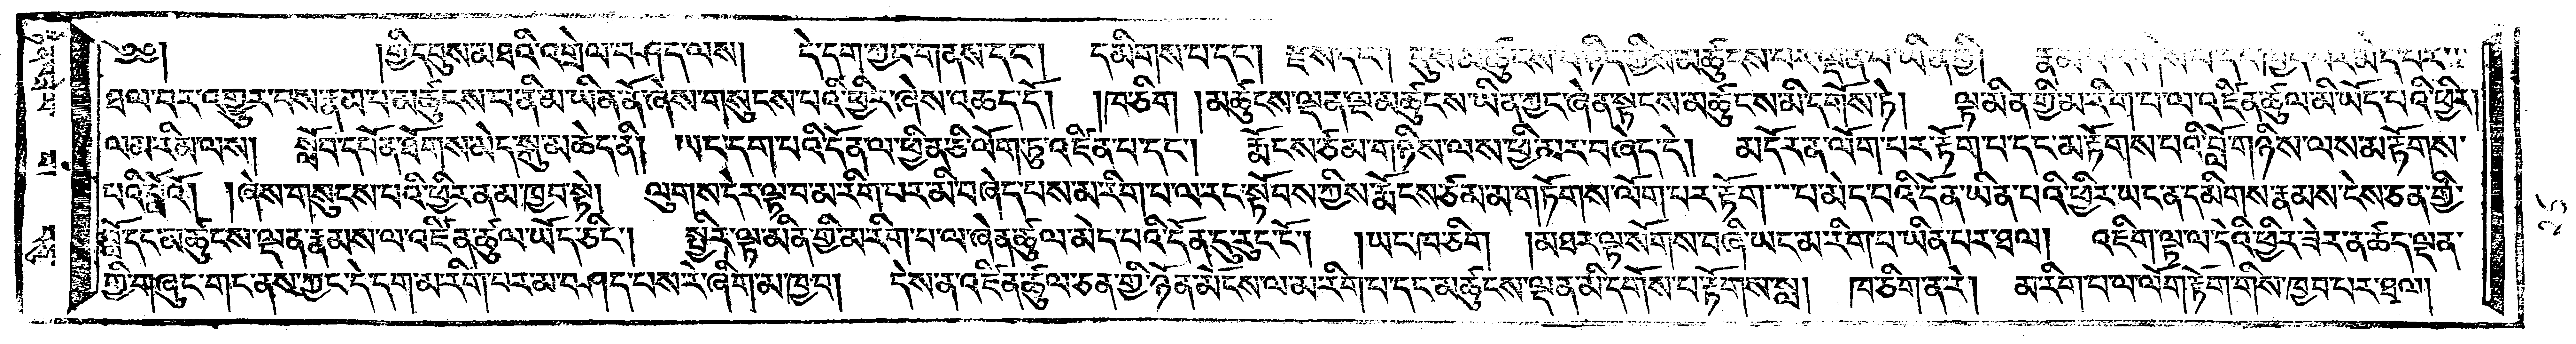༄༅། །གྱི་དབུས་མཐའི་འགྲེལ་བཤད་ལས། དེ་དག་ཀྱང་གནས་དང་། དམིགས་པ་དང་། རྫས་དང་། དུས་མཚུངས་པ་ཉིད་ཀྱིས་མཚུངས་པར་ལྡན་པ་ཡིན་གྱི། རྣམ་པར་ཤེས་པ་དང་ཁྱད་པར་མེད་པར་
ཐལ་བར་འགྱུར་བས་རྣམ་པ་མཚུངས་པ་ནི་མ་ཡིན་ནོ་ཞེས་གསུངས་པའི་ཕྱིར་ཞེས་འཆད་དོ། །ཁ་ཅིག །མཚུངས་ལྡན་ལྔ་མཚུངས་ཡིན་ཀྱང་ཞེན་སྟངས་མཚུངས་མི་དགོས་ཏེ། ལྟ་མིན་གྱི་མ་རིག་པ་ལ་འཛིན་ཚུལ་མི་ཡོད་པའི་ཕྱིར།
ལམ་རིམ་ལས། སློབ་དཔོན་ཐོགས་མེད་སྐུ་མཆེད་ནི། ཡང་དག་པའི་དོན་ལ་ཕྱིན་ཅི་ལོག་ཏུ་འཛིན་པ་དང་། རྨོངས་ཙམ་གཉིས་ལས་ཕྱི་མར་བཞེད་དེ། མདོར་ན་ལོག་པར་རྟོག་པ་དང་མ་རྟོགས་པའི་བློ་གཉིས་ལས་མ་རྟོགས་
པའི་བློའོ། །ཞེས་གསུངས་པའི་ཕྱིར་ན་མ་ཁྱབ་སྟེ། །ལུགས་དེར་ལྟ་བ་མ་རིག་པར་མི་བཞེད་པས་མ་རིག་པ་ལ་རང་སྟོབས་ཀྱིས་རྨོངས་ཙམ་མ་གཏོགས་ལོག་པར་རྟོག་པ་མེད་པའི་དོན་ཡིན་པའི་ཕྱིར་ཡང་ན་དམིགས་རྣམས་ངེས་ཅན་གྱི་
བློ་དང་མཚུངས་ལྡན་རྣམས་ལ་འཛིན་ཚུལ་ཡོད་ཅིང་། སྤྱིར་ལྟ་མིན་གྱི་མ་རིག་པ་ལ་ཞེན་ཚུལ་མེད་པའི་དོན་དུ་རུང་ངོ། །ཡང་ཁ་ཅིག །མཐར་ལྟ་སོགས་བཞི་ཡང་མ་རིག་པ་ཡིན་པར་ཐལ། འཇིག་ལྟ་ལ་དེའི་ཕྱིར་ཟེར་ན་ཚད་ལྡན་
གྱི་གཞུང་གང་ནས་ཀྱང་དེ་དག་མ་རིག་པར་མ་བཤད་པས་རེ་ཞིག་མ་ཁྱབ། དེས་ན་འཛིན་ཚུལ་ཅན་གྱི་ཉོན་མོངས་ལ་མ་རིག་པ་དང་མཚུངས་ལྡན་མི་དགོས་པ་རྟོགས་སླ། ཁ་ཅིག་ན་རེ། མ་རིག་པ་ལ་ལོག་རྟོག་གིས་ཁྱབ་པར་ཐལ།